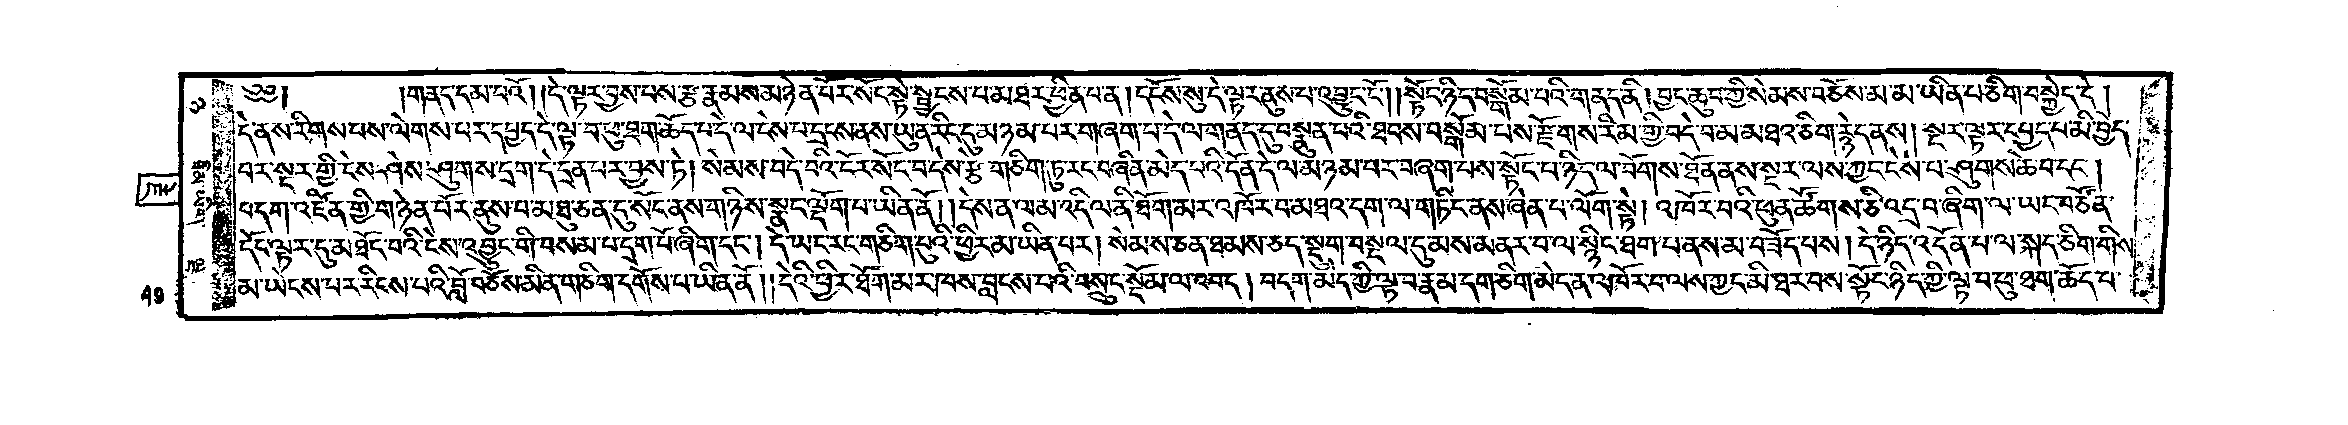༄༅། །གནད་དམ་པའོ། །དེ་ལྟར་བྱས་པས་རྩ་རྣམས་མཉེན་པོར་སོང་སྟེ་སྦྱངས་པ་མཐར་ཕྱིན་པ་ན། དངོས་སུ་དེ་ལྟར་ནུས་པ་འབྱུང་ངོ། །སྟོང་ཉིད་བསྒོམ་པའི་གནད་ནི། བྱང་ཆུབ་ཀྱི་སེམས་བཅོས་མ་མ་ཡིན་པ་ཅིག་བསྐྱེད་དེ།
དེ་ནས་རིགས་པས་ལེགས་པར་དཔྱད་དེ་ལྟ་བ་ཕུ་ཐག་ཆོད་པ་དེ་ལ་ངེས་པ་དྲངས་ནས་ཡུན་རིང་དུ་མཉམ་པར་གཞག་པ་དེ་ལ་གནད་དུ་བསྣུན་པའི་ཐབས་བསྒོམ་པས་རྫོགས་རིམ་གྱི་བདེ་བ་མ་མཐའ་ཅིག་རྙེད་ནས། སྔར་ལྟར་དཔྱད་པ་མི་བྱེད་
པར་སྔར་གྱི་ངེས་ཤེས་ཤུགས་དྲག་དེ་དྲན་པར་བྱས་ཏེ། སེམས་བདེ་བའི་ངོར་སོང་བ་དེས་རྩེ་གཅིག་ཏུ་རང་བཞིན་མེད་པའི་དོན་དེ་ལ་མཉམ་པར་བཞག་པས་སྟོང་པ་ཉིད་ལ་བོགས་ཐོན་ནས་སྔར་ལས་ཀྱང་ངེས་པ་ཤུགས་ཆེ་བ་དང་།
བདག་འཛིན་གྱི་གཉེན་པོར་ནུས་པ་མཐུ་ཅན་དུ་སོང་ནས་གཉིས་སྣང་ལྡོག་པ་ཡིན་ནོ། །དེས་ན་ལམ་འདི་ལ་ནི་ཐོག་མར་འཁོར་བ་མཐའ་དག་ལ་གཏིང་ནས་ཞེན་པ་ལོག་སྟེ། འཁོར་བའི་ཕུན་ཚོགས་ཅི་འདྲ་བ་ཞིག་ལ་ཡང་བཙོན་
དོང་ལྟར་དུ་མཐོང་བའི་ངེས་འབྱུང་གི་བསམ་པ་དྲག་པོ་ཞིག་དང་། དེ་ཡང་རང་གཅིག་པུའི་ཕྱིར་མ་ཡིན་པར། སེམས་ཅན་ཐམས་ཅད་སྡུག་བསྔལ་དུ་མས་མནར་བ་ལ་སྙིང་ཐག་པ་ནས་མ་བཟོད་པས། དེ་ཉིད་འདོན་པ་ལ་སྐད་ཅིག་གིས་
མ་ཡེངས་པར་རིགས་པའི་བློ་བཅོས་མིན་གཅིག་དགོས་པ་ཡིན་ནོ། །དེའི་ཕྱིར་ཐོག་མར་ཁས་བླངས་པའི་བསྲུང་སྡོམ་ལ་འབད། བདག་མེད་ཀྱི་ལྟ་བ་རྣམ་དག་ཅིག་མེད་ན་འཁོར་བ་ལས་ཀྱང་མི་ཐར་བས་སྟོང་ཉིད་ཀྱི་ལྟ་བ་ཕུ་ཐག་ཆོད་པ་